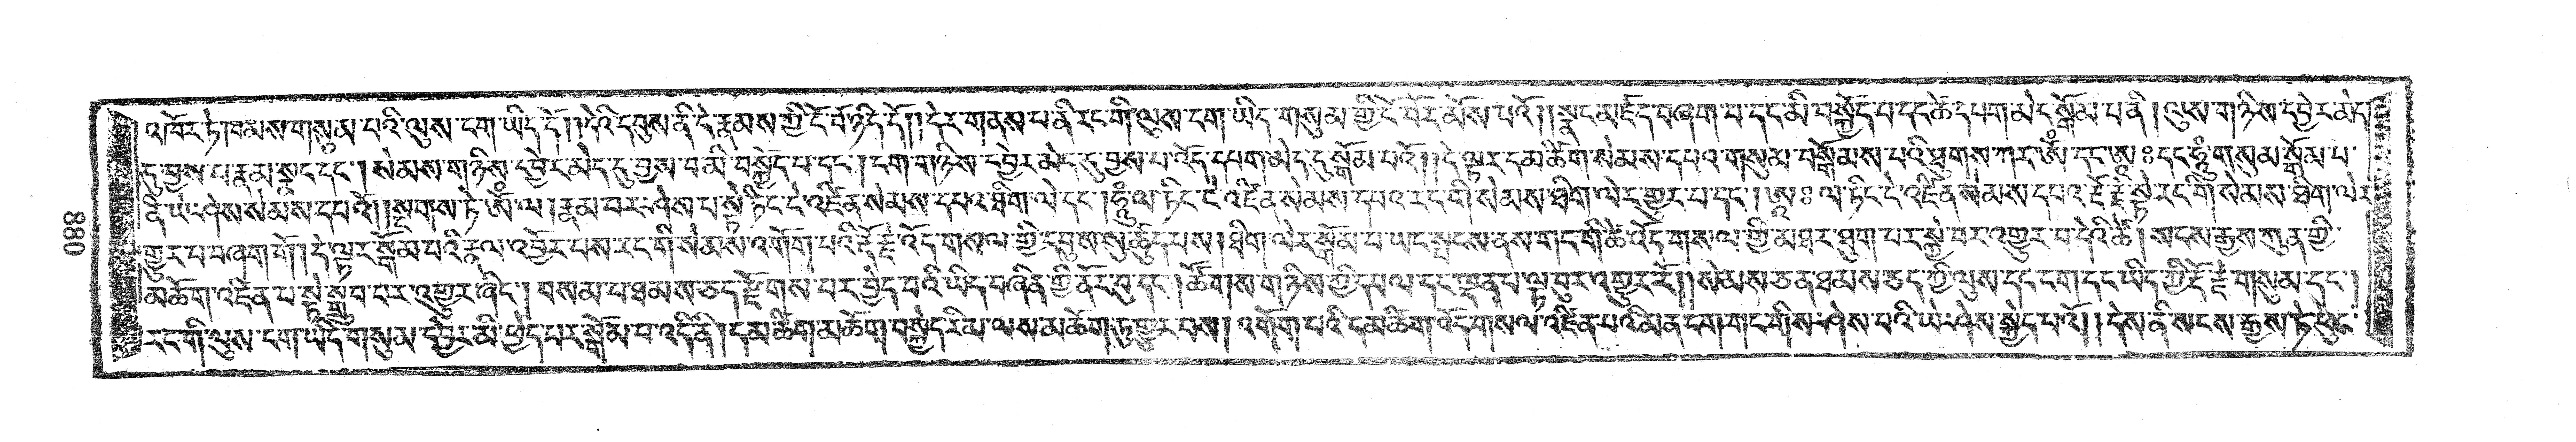འཁོར་ཏེ་ཁམས་གསུམ་པའི་ལུས་ངག་ཡིན་དོ། །དེའི་དབུས་ནི་དེ་རྣམས་ཀྱི་ངོ་བོ་ཉིད་དོ། །དེར་གནས་པ་ནི་རང་གི་ལུས་ངག་ཡིད་གསུམ་གྱི་ངོ་བོར་མོས་པའོ། །སྣང་མཛད་བཞག་པ་དང་མི་སྐྱོད་པ་དང་ཆེ་དཔག་མེད་སྒོམ་པ་ནི། ལུགས་ཉིས་དབྱེར་མེད་
དུ་བྱས་པ་རྣམ་སྣང་དང་། སེམས་གཉིས་དབྱེར་མེད་དུ་བྱས་པ་མི་བསྐྱོད་པ་དང་། ངག་གཉིས་དབྱེར་མེད་དུ་བྱས་པ་འོད་དཔག་མེད་དུ་སྒོམ་པའོ། །དེ་ལྟར་དམ་ཚིག་སེམས་དཔའ་གསུམ་བསྒོམས་པའི་ཐུགས་ཀར་ཨོཾ་དང་ཨཱཿ དང་ཧཱུཾ་གསུམ་སྒོམ་པ་
ནི་ཡེ་ཤེས་སེམས་དཔའོ། །སྔགས་ཏེ་ཨོཾ་ལ། རྣམ་པར་ཤེས་པ་སྟེ་ཏིང་ངེ་འཛིན་སེམས་དཔའ་ཐིག་ལེ་དང་། ཧཱུཾ་ལ་ཏིང་ངེ་འཛིན་སེམས་དཔའ་རང་གི་སེམས་ཐིག་ལེར་གྱུར་པ་དང་། ཨཱཿ ལ་ཏིང་ངེ་འཛིན་སེམས་དཔའ་རྡོ་རྗེ་རང་གི་སེམས་ཐིག་ལེར་
གྱུར་པ་བཞག་གོ །དེ་ལྟར་སྒོམ་པའི་རྣལ་འབྱོར་པས་རང་གི་སེམས་འགོག་པའི་རྡོ་རྗེ་འོད་གསལ་གྱི་དབུས་སུ་ཚུད་པས། ཐིག་ལེར་སྒོམ་པ་ཡང་སྤངས་ནས་གང་གི་ཚེ་འོད་གསལ་གྱི་མཐར་ཐུག་པར་སྐྱེ་བར་འགྱུར་བ་དེའི་ཚེ། སངས་རྒྱས་ཀུན་གྱི་
མཆོག་འཛིན་པ་སྟེ་སྒྲུབ་པར་འགྱུར་ཞིང་། བསམ་པ་ཐམས་ཅད་རྫོགས་པར་བྱེད་པའི་ཡིད་བཞིན་གྱི་ནོར་བུ་དང་། ཚོགས་གཉིས་ཀྱི་དཔལ་དང་ལྡན་པ་ལྟ་བུར་འགྱུར་རོ། །སེམས་ཅན་ཐམས་ཅད་ཀྱི་ལུས་དང་ངག་དང་ཡིད་ཀྱི་རྡོ་རྗེ་གསུམ་དང་།
རང་གི་ལུས་ངག་ཡིད་གསུམ་དབྱེར་མི་ཕྱེད་པར་སྒོམ་པ་འདི་ནི། དམ་ཚིག་མཆོག་བསྐྱེད་རིམ་ལས་མཆོག་ཏུ་གྱུར་པས། འགོག་པའི་དམ་ཚིག་འོད་གསལ་འཛིན་པའི་མན་ངག་གང་གིས་ཤེས་པའི་ཡེ་ཤེས་སྐྱེད་པའོ། །དེས་ནི་སངས་རྒྱས་ཏེ་ཕུང་